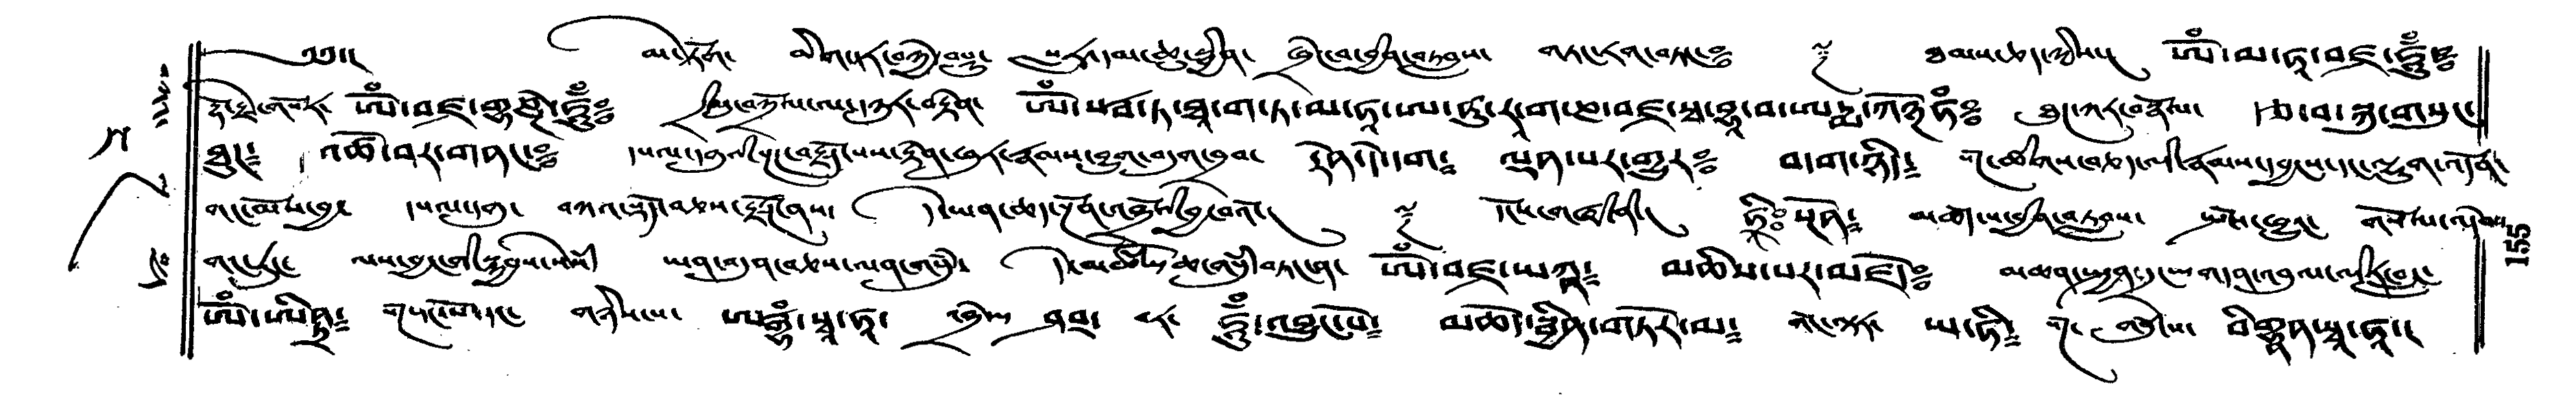མེ་ཏོག། མིག་དར་བཀྱེ་བསྡུ། སླར་དམ་ཆུ་སྦྱིན། ཕྲེང་བ་བྱིན་བརླབ། གཏང་རག་བཏང་། ཐམས་ཅད་ཀྱིས། ཨོཾ་མ་ཧཱ་བཛྲ་ཧཱུྃ༔ 
རྡོ་རྗེ་གསོར། ཨོཾ་བཛྲ་གྷཎྜེ་ཧཱུྃ༔ དྲིལ་བུ་དཀྲོལ་ལ་དཀུར་བརྟེན། ཨོཾ་སརྦ་ཏ་ཐཱ་ག་ཏ་མ་ཧཱ་ཨ་ནུ་རཱ་ག་ཎ་བཛྲ་སྭ་བྷཱ་བ་ཨཏྨ་ཀོ྅་ཧཾ༔ ཐུགས་དཀར་བསྣོལ། རྩ་བ་སྐུ་གསུང་
ཐུགས༴ འཚོ་བར་གནང༔ དཔལ་དགུའི་སྔགས་བརྗོད་པས་རྟེན་ཕུར་རྣམས་བྱུག་བདུག་བྲབ། རྟེན་དེ་དག༴ ལྡན་པར་གྱུར༔ བདག་ཉིད༴ སོགས་ཚིགས་བཅད་འདི་རྣམས་དབྱངས་དང་ལྷུག་འདོན་
གང་མོས་བྱ། དཔལ་དགུ། བཀའ་སྡོད་བཅས་རྫོགས་ནས། དེ་ཡན་ཆད་སྔོན་འགྲོའི་བྱ་བའོ། དངོས་གཞི་ནི། ཧྲཱིཿསྔོན༴ མཆོད་པ་བྱིན་བརླབ། སྤོས་ཕྱུང་། གསོལ་འདེབས་
གང་རུང་། ལས་བྱང་གི་སྐྱབས་སེམས། ཡན་བདུན་བཅས་ལན་གསུམ། དེ་མཚམས་ཆ་གསུམ་བཏང་ན། ཨོཾ་བཛྲ་ཡཀྵ༴ མཆིས་པར་མཛོད༔ སྤྱན་དྲངས་གདན་འབུལ་འདིར་བླང་། 
ཨོཾ་ཨིནྡྲ༴ སོགས་དང་པོ་དང་། གཉིས་པ། ཨརྒྷཾ་སྭ་ཧཱ། འགྲེས། ཤབྡ། བར། ཧཱུྃ། འབྱུང་པོ༴ མཆོད་སྦྱིན་གཏོར་མ༴ གོང་ལྟར། ཡ་ཧི༴ སོགས་གསུམ་པ། བིགྷྣན་སྭ་ཧཱ།